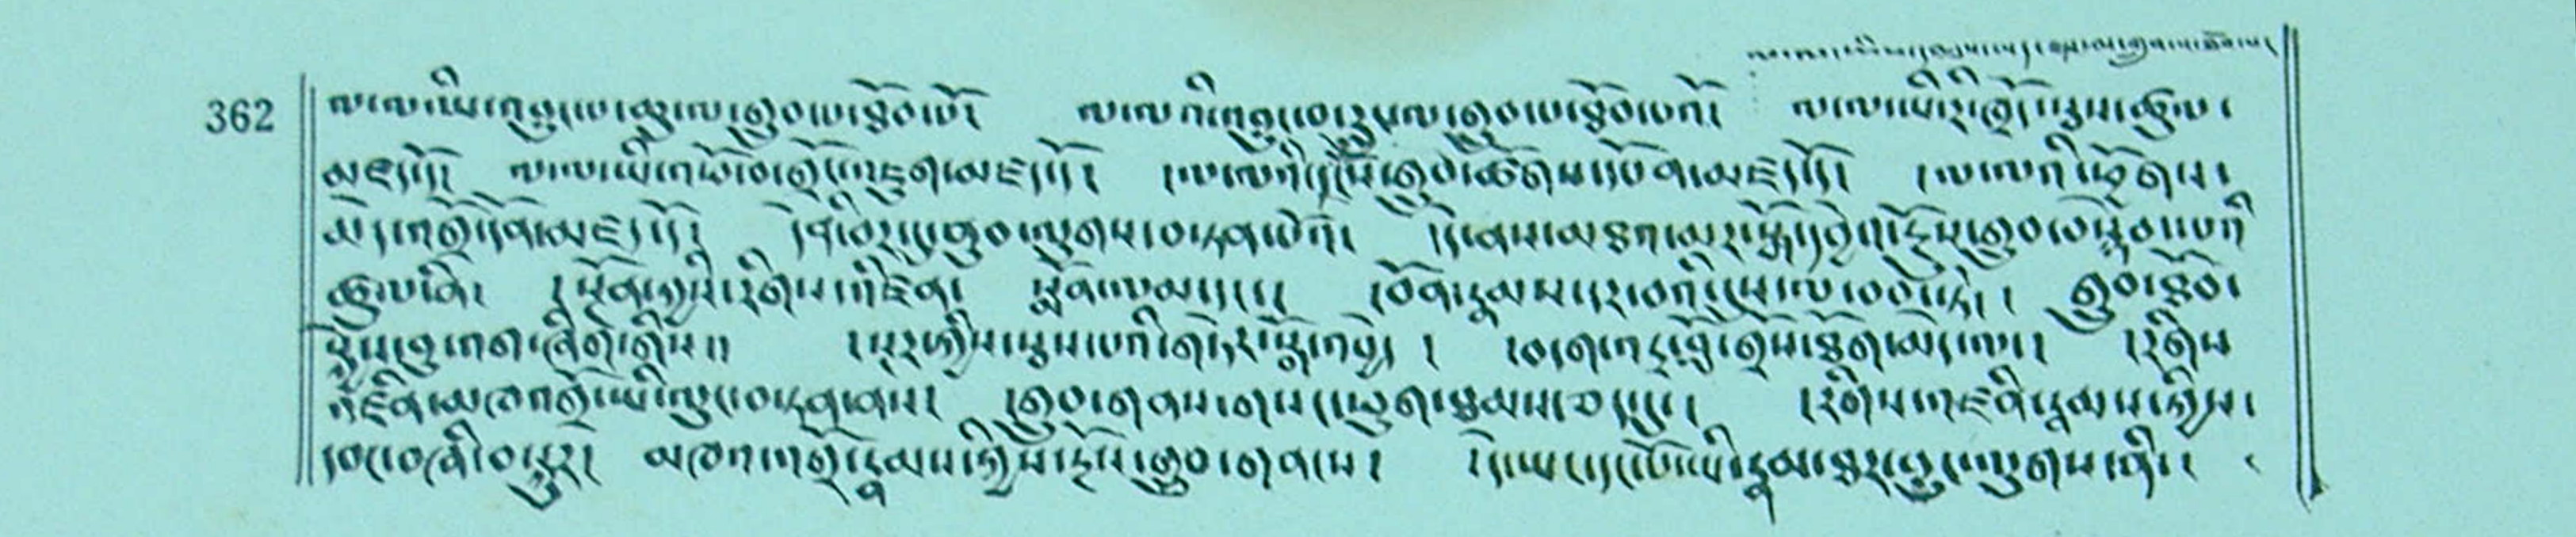ལ་ལ་ཡིས་འབྱུང་བ་ཆུ་ལ་གྲུབ་པ་ཐོབ་པོ། ལ་ལ་ཡིས་འབྱུང་བ་རླུང་ལ་གྲུབ་པ་ཐོབ། ལ་ལ་ཡིས་དམུ་ཡད་ཟས་ལ་གྲུབ་པ་ཐོབ་པ། ལ་ལ་རི་ཁྲོད་སྦས་ཚུལ་
མཛད་དོ། ལ་ལ་ཡི་འཕོ་བ་གྲོང་འཇུག་མཛད་དོ། ལ་ལའི་དངོས་གྲུབ་ཚོགས་དཔོན་མཛད་དོ། ལ་ལའི་ཕྱོགས་
མེད་འགྲོ་དོན་མཛད་དོ། །དེ་ནི་བར་དུ་ནུབ་ལུགས་བསྟན་པའོ། །དེ་ནས་ཐ་མར་གཏེར་སྒོ་དབྱེའ་སྟེ་དངོས་གྲུབ་བསྙེམས་པའི་
ཚུལ་ནི། སྔོན་གྱི་རིགས་འཛིན་སྨོན་ལམ་དང་། བོན་རྣམས་དར་བའི་དུས་ལ་བབ་སྟེ། གྲུབ་ཐོབ་
སྐྱེས་བུ་འགའ་ཞིག་གིས། སྔར་གྱི་སྦས་པའི་གཏེར་སྒོ་འབྱེད། བདག་འདྲ་བློ་གྲོས་ཐོགས་མེད་ལ། རིགས་
འཛིན་མཁའ་འགྲོས་ལུང་བསྟན་ནས། གྲུབ་གནས་གསང་ཕུག་ཐམས་ཅད་དུ། རིགས་འཛིན་རྣམས་ཀྱིས་
དབང་བཞི་བསྐུར། མཁའ་འགྲོ་རྣམས་ཀྱིས་དངོས་གྲུབ་གནངས། དེ་ཡང་དང་པོ་ཡི་རྣམ་ཐར་བྱུང་ལུགས་ནི།